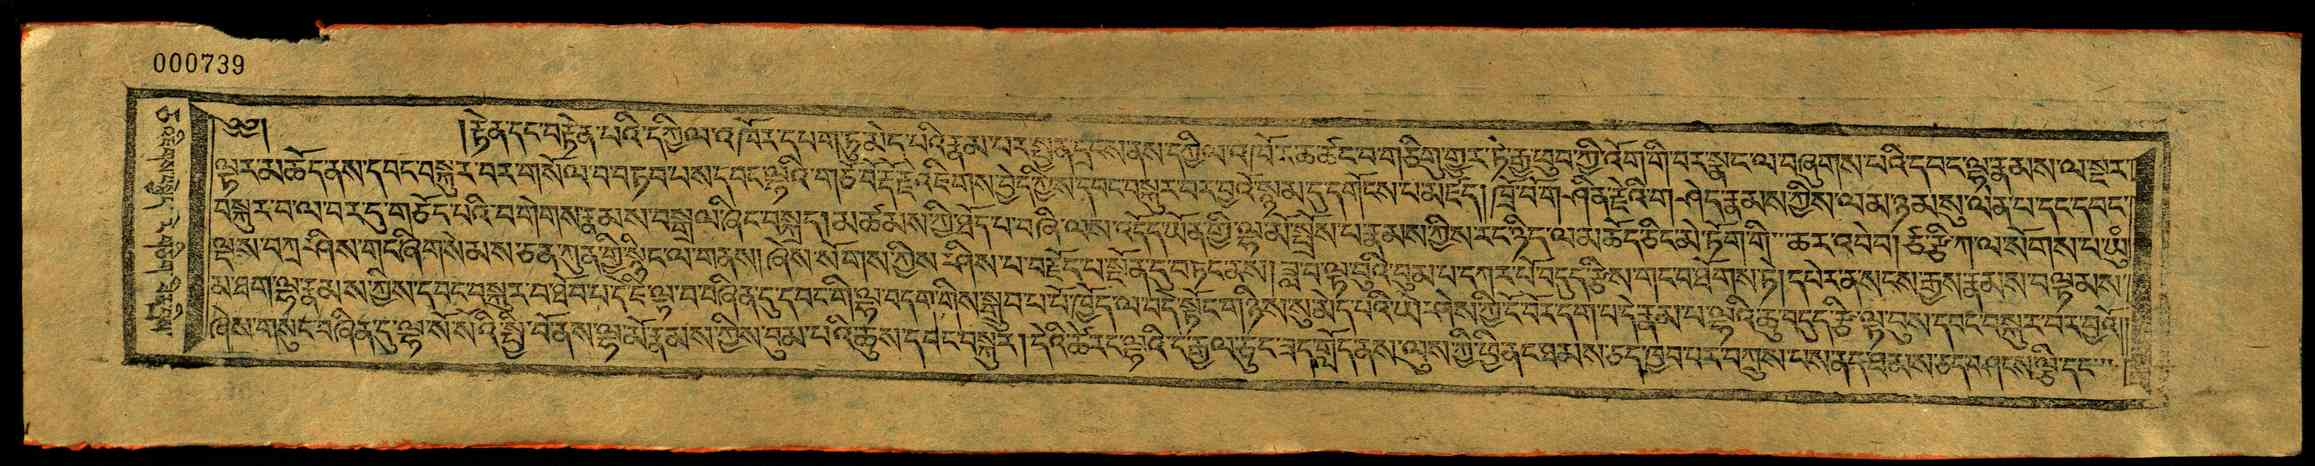༄༅། །རྟེན་དང་བརྟེན་པའི་དཀྱིལ་འཁོར་དཔག་ཏུ་མེད་པའི་རྣམ་པར་སྤྱན་དྲངས་ནས་དཀྱིལ་འཁོར་ཆ་ཚང་བ་གཅིག་གུ་གྱུར་ཏེ་རྒྱ་ཕུབ་ཀྱི་འོག་གི་བར་སྣང་ལ་བཞུགས་པའི་དབང་ལྷ་རྣམས་ལ་སྔར་
ལྟར་མཆོད་ནས་དབང་བསྐུར་བར་གསོལ་བ་བཏབ་པས་དབང་ལྷའི་གཙོ་བོ་རྡོ་རྗེ་འཇིགས་བྱེད་ཀྱིས་དབང་བསྐུར་བར་བྱའོ་སྙམ་དུ་དགོངས་པ་མཛད། ཁྲོ་བོ་གཤིན་རྗེའི་གཤེད་རྣམས་ཀྱིས་ལམ་ཉམས་སུ་ལེན་པ་དང་དབང་
བསྐུར་བ་ལ་བར་དུ་གཅོད་པའི་བགེགས་རྣམས་བསྒྲལ་ཞིང་བསྐྲད། མཚམས་ཀྱི་ཐོད་པ་བཞི་ལས་འདོད་ཡོན་གྱི་ལྷ་མོ་སྤྲོས་པ་རྣམས་ཀྱིས་རང་ཉིད་ལ་མཆོད་ཅིང་མེ་ཏོག་གི་ཆར་འབེབ། ཙ་རྩི་ཀ་ལ་སོགས་པ་ཡུཾ་
ལྔས་བཀྲ་ཤིས་གང་ཞིག་སེམས་ཅན་ཀུན་གྱི་སྙིང་ལ་གནས། ཞེས་སོགས་ཀྱིས་ཤིས་པ་བརྗོད་པ་སྔོན་དུ་བཏང་ནས། ཟླ་བ་ལྟ་བུའི་བུམ་པ་དཀར་པོ་བདུད་རྩིས་གང་བ་ཐོགས་ཏེ། དཔེར་ན་སངས་རྒྱས་རྣམས་བལྟམས་
མ་ཐག་ལྷ་རྣམས་ཀྱིས་དབང་བསྐུར་བ་ཐོབ་པ་དེ་ཇི་ལྟ་བ་བཞིན་དུ་དབང་གི་ལྷ་བདག་གིས་སྒྲུབ་པ་པོ་ཁྱེད་ལ་བདེ་སྟོང་གཉིས་སུ་མེད་པའི་ཡེ་ཤེས་ཀྱི་ངོ་བོར་དག་པ་དེ་རྣམ་པ་ལྷའི་ཆུ་བདུད་རྩི་ལྟ་བུས་དབང་བསྐུར་བར་བྱའོ་
ཞེས་གསུངས་བཞིན་དུ་ལྷ་སོ་སོའི་སྤྱི་བོ་ནས་ལྷ་མོ་རྣམས་ཀྱིས་བུམ་པའི་ཆུས་དབང་བསྐུར། དེའི་ཚེ་རང་ལྷའི་ང་རྒྱལ་ཅུང་ཟད་གློད་ནས་ལུས་ཀྱི་ཕྱི་ནང་ཐམས་ཅད་ཁྱབ་པར་བཀྲུས་པས་ནད་ཐམས་ཅད་གཤངས་ལྕི་དང་